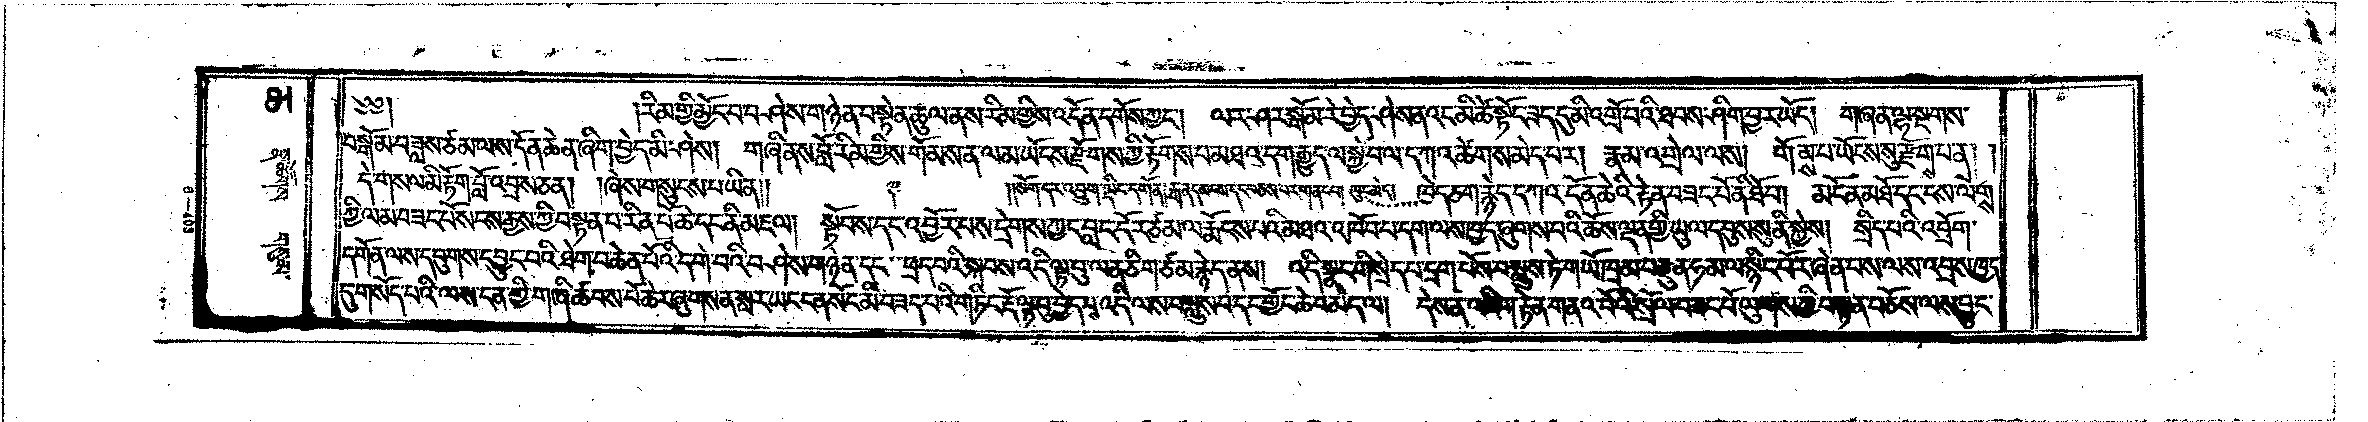༄༅། །རིམ་གྱི་མྱོང་བ་བཤེས་གཉེན་བསྟེན་ཆུལ་ནས་རིམ་གྱིས་འདོན་དགོས་ཀྱང་། ལར་ཤར་སྒོམ་རེ་བྱེད་ཤེས་ནའང་མི་ཚེ་སྟོང་ཟད་དུ་མི་འགྲོ་བའི་ཐབས་ཤིག་བྱར་ཡོད། གཞན་ལྷ་སྔགས་
བསྒོམ་བཟླས་ཙམ་ལས་དོན་ཆེན་ཞིག་བྱེད་མི་ཤེས། གཞི་ནས་བློ་རིམ་གྱིས་གོམས་ན་ལམ་ཡོངས་རྫོགས་ཀྱི་རྟོགས་པ་མཐའ་དག་རྒྱུད་ལ་སྐྱོབ་ལ་དཀའ་ཚེགས་མེད་པར། རྣམ་འགྲེལ་ལས། གོམས་པ་ཡོངས་སུ་རྫོགས་པ་ན། །
དེ་གསལ་མི་རྟོག་བློ་འབྲས་ཅན། །ཞེས་གསུངས་པ་ཡིན།། ༈ །།སོག་དར་འབྲུག་ལྡིང་དགོན། རྒ་ནད་མངས་དར་བཅས་པར་གནང་བ།  བུང་མེད། ཁྱེད་ཅག་རྙེད་དཀའ་དོན་ཆེའི་རྟེན་བཟང་པོ་ནི་ཐོབ།  མངོན་མཐོ་དང་ངེས་ལེགས་
ཀྱི་ལམ་བཟང་པོ་སངས་རྒྱས་ཀྱི་བསྟན་པ་རིན་པོ་ཆེ་དང་ནི་མཇལ། སྟོབས་དང་འབྱོར་པས་དྲེགས་ཀྱང་བླང་དོར་ཙམ་ལ་རྨོངས་པའི་མཐའ་འཁོབ་པ་དག་ལས་ཁྱད་ཞུགས་པའི་ཆོས་ལྡན་གྱི་ཡུལ་དབུས་སུ་ནི་སྐྱེས། སྲིད་པའི་འབྲོག་
དགོན་ལས་དབུགས་དབྱུང་བའི་ཐེག་བ་ཆེན་པོའི་དགེ་བའི་བཤེས་གཉེན་དང་ཕྲད་བའི་སྐབས་འདི་ལྟ་བུ་ལན་ཅིག་ཙམ་རྙེད་ནས། འདི་སྣང་གི་སྲེད་པ་དྲག་པོས་བསླུས་ཏེ་གཡོ་ཁྲམ་བརྫུན་ཧམ་ལ་སྙིང་པོར་ཞེན་པས་ལས་འབྲས་ཁྱད་
དུ་གསོད་པའི་ལས་ངན་གྱི་གཞི་ཚབས་པོ་ཆེར་ཞུགས་ན་སླར་ཡང་ངན་སོང་མི་བཟད་པའི་གཏིང་རྡོ་ལྟ་བུ་བྱེད་པས་འདི་ལས་བསླུས་བ་དང་གྱོང་ཆེ་བ་མེད་ལ། དེས་ན་འཇིག་རྟེན་གནའ་བོའི་སྲོལ་བཟང་པོ་ལུགས་ཀྱི་བསྟན་བཅོས་ལས་བྱུང་